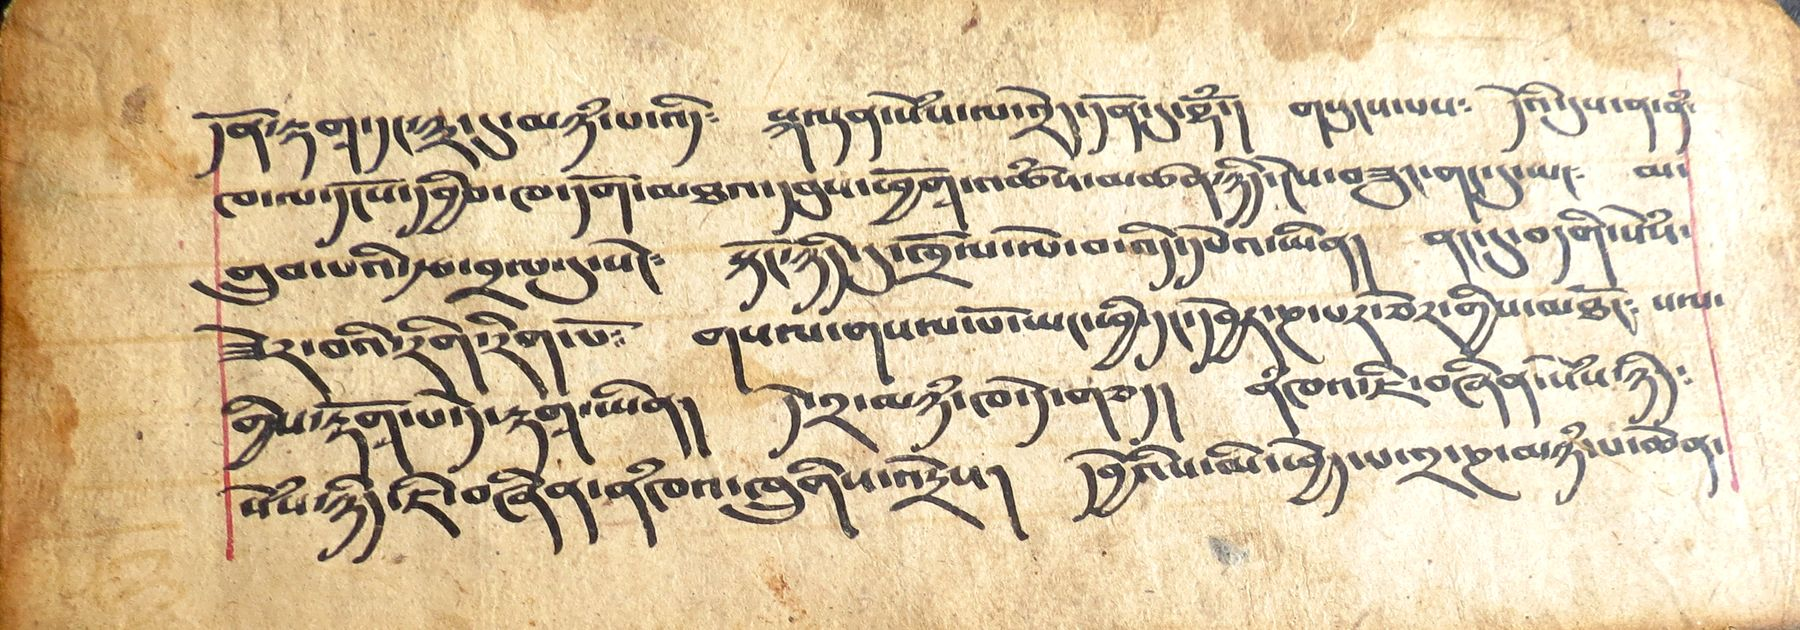དོན་རྟག་དང་དུ་མཉམ་པ་འདི། སྐལ་ལྡན་སེམས་ལ་གཉིས་མེད་དོན་དུ་སྒོམས། གསུངས་པས། དེའི་དུས་ན་ནམ་
མཁའ་ལ་དངོས་པོ་དབྱིབས་ཁ་དོག་མཐའ་དབུས་ཕྱོགས་མཚམས་མཚན་ཉིད་ངོས་བཟུང་གང་དུ་ཡང་། མ
གྲུབ་པས་རྩ་བྲལ་དུ་སང་ངེ་། སྟོང་ཉིད་དུ་ཁྲོལ་ལེ་བ་འདི་དཔེ་ཡིན། ནང་དུ་བདག་གི་སེམས་
ཟེར་བའི་རིག་རིག་པོ། གསལ་སལ་པོ་འདི་ཡང་ཕྱི་ནང་དབྱེར་མེད་པར་གཅེར་གྱིས་མཐོང་། སལ་
གྱིས་རྟོགས་པ་དེ་རྟགས་ཡིན། དེ་གཉིས་མཉམ་ཁ་དེ་བཅད། ནམ་མཁའ་ཅི་བཞིན་སེམས་ཉིད། 
སེམས་ཉིད་ཅི་བཞིན་ནམ་མཁའ་ཁྲུག་གི་འདྲེས། དབྱེ་ཡིས་མི་ཕྱེད་པ་གཉིས་མེད་མཉམ་པ་ཆེན་